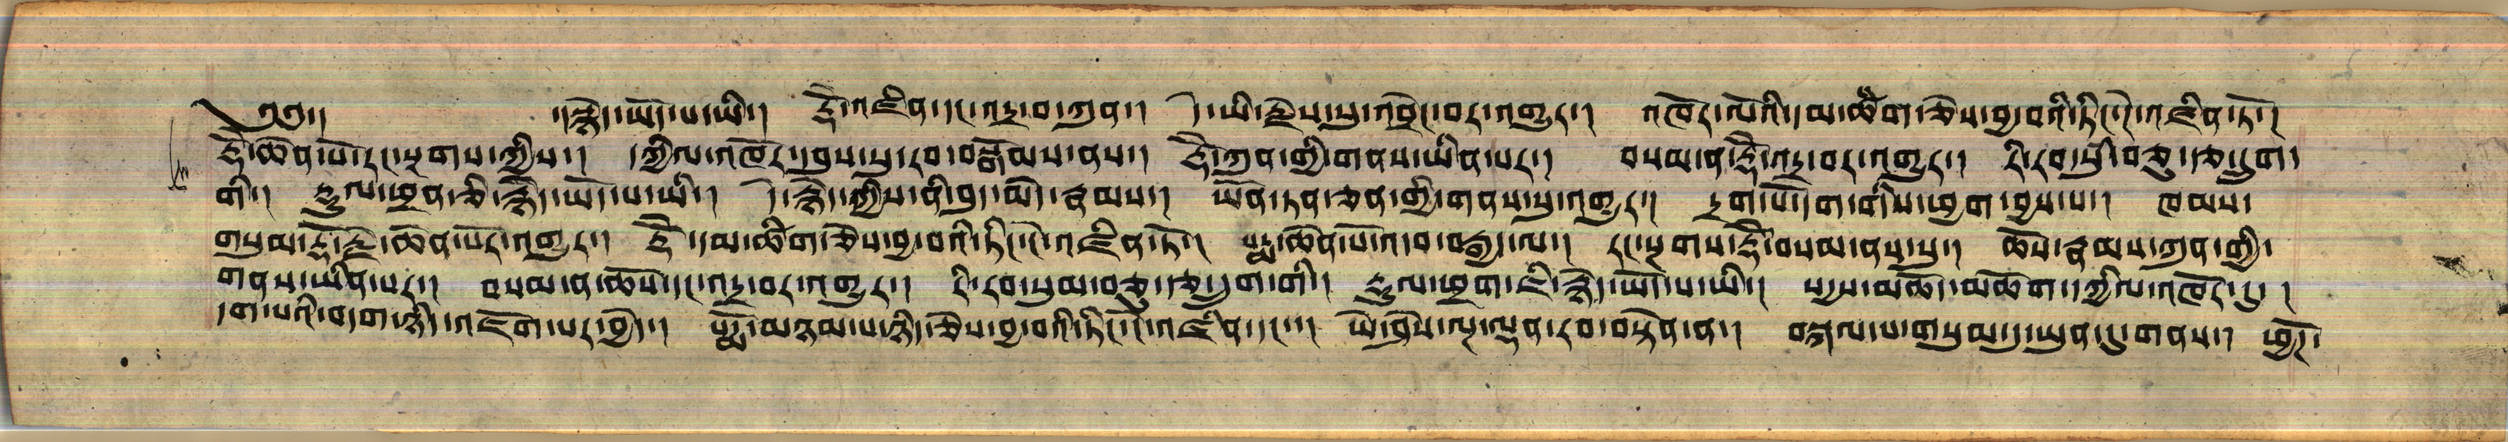༄༅་། ་།སྙེད་ཡོད་པ་ཡི་། རྡོ་རྗེ་འཛིན་དང་འདྲ་བ་ཀུན་། དེ་ཡི་རྗེས་སུ་འབྲེང་བར་འགྱུར་། འཁོར་ལོའི་དམ་ཚིག་ཅེས་བྱ་བའི་ཏིང་ངེ་འཛིན་ཏོ་།
རྡོ་ེ་ཆེན་པོ་རང་སྔགས་ཀྱིས་། དཀྱིལ་འཁོར་དབུས་སུ་རབ་བསྒོམས་ནས་། རྡོེ་ཀུན་གྱི་གནས་ཡིན་པར་། བསམ་ན་རྡོེ་འདྲ་བར་འགྱུར་། རི་རབ་སུཾ་བཅུ་རྩ་དྲུག་
གི་། རྡུལ་ཕྲན་ཅི་རྙེད་ཡོད་པ་ཡི་། དེ་རྙེད་ཀྱིས་ནི་བུད་མེད་རྣམས་། ཡོན་ཏན་ཅན་གྱི་གནས་སུ་གྱུར་། དྲག་པོ་དག་གིས་ཕྱག་བྱས་པ་། ཁམས་
གསུམ་རྡོ་རྗེ་ཆེན་པོར་འགྱུར་། རྡོེ་དམ་ཚིག་ཅེས་བྱ་བའི་ཏིང་ངེ་འཛིན་ཏོ་། པདྨ་ཆེན་པོ་འདབ་བརྒྱད་ལ་། རང་སྔགས་རྡོེ་བསམ་ནས་སུ་། ཆོས་རྣམས་ཀུན་གྱི་
གནས་ཡིན་པར་། བསམ་ན་ཆོས་དང་འདྲ་བར་འགྱུར་། རི་རབ་སུམ་བཅུ་རྩ་དྲུག་གི་། རྡུལ་ཕྲག་ཇི་རྙེད་ཡོད་པ་ཡི་། སདྱས་མཆོད་མཆོག་དཀྱིལ་འཁོར་དུ་
དག་པའི་བདག་ཉིད་འཇོམ་པར་བྱེད་། པདྨོ་མཉམ་པ་ཉིད་ཅེས་བྱ་བའི་ཏིང་ངེ་འཛིན་དང་་། ཡེ་ཤེས་ལྔ་ལྡན་རབ་བསྟེན་ན་། བསྐལ་པ་གསུམ་དུ་ཡུན་དུ་གནས་། ཕྱོཌ་